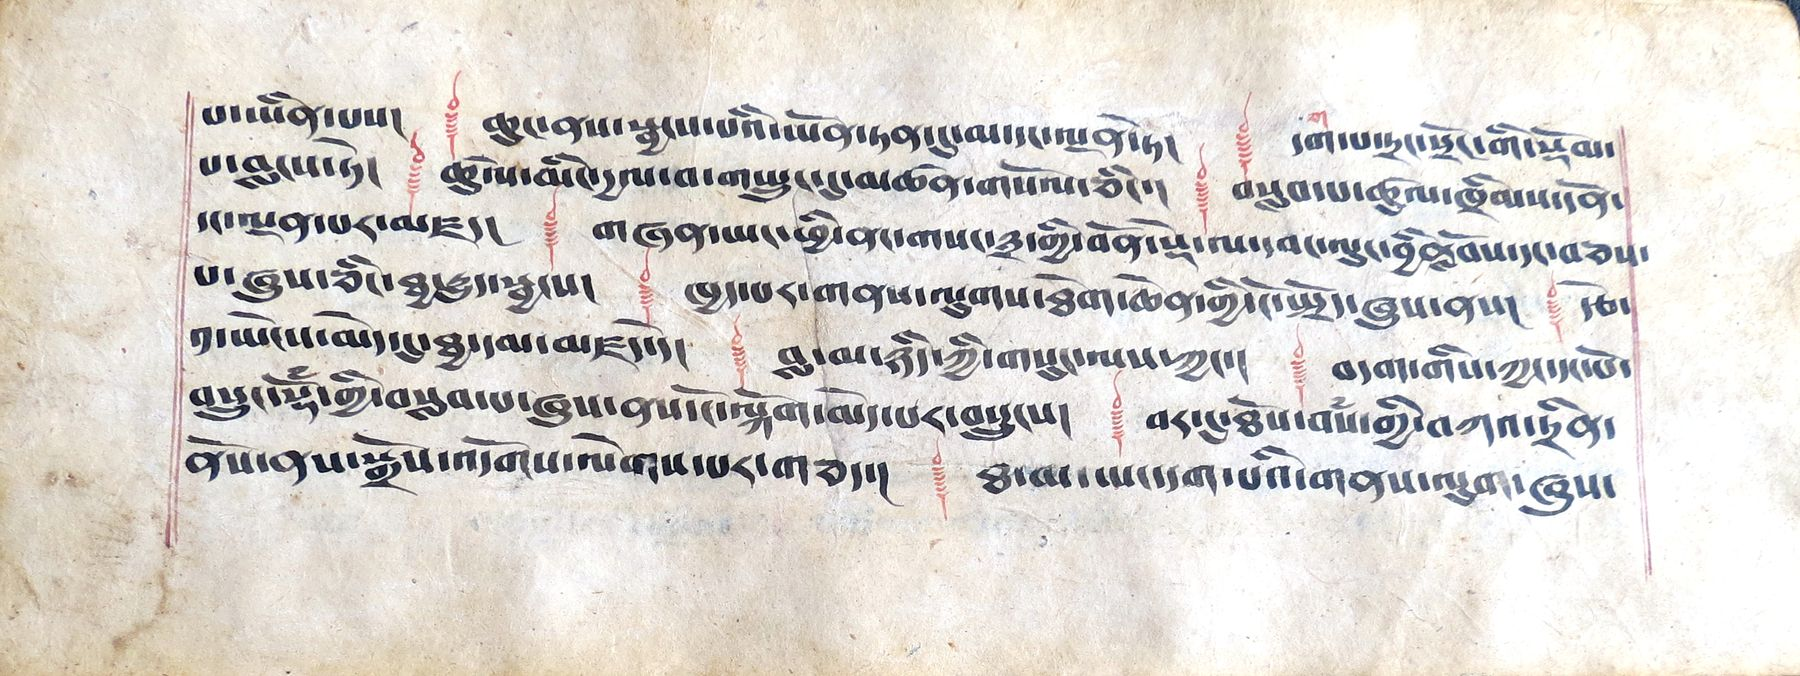པ་ཡིན་པས། ཆུང་ནས་སྦྱངས་པའི་ཡོན་ཏན་དུ་མ་དང་ལྡན་ཏེ། དགུང་ལོ་བརྒྱད་པ་ལ་སྲིད་པའི་མཛོད་ཕུགས་བཤད། དེ་ནས་འདུལ་བ་རིན་པོ་ཆེའི་དྲུང་དུ་དག་པ་དྲང་སྲོང་གི་སྡོམ་
པ་བླངས་ཏེ། ཚུལ་མིང་རྒྱལ་བ་གཡུང་དྲུང་དུ་མཚན་གསོལ་ཞིང་། བསླབ་པ་ཚུལ་ཁྲིམས་དོན་
དང་ལྡན་པར་མཛད་། གཞན་ཡང་ཕྱི་ནང་གསང་གསུམ་གྱི་བོན་སྡེ་ལ། དབང་ལུང་བྱིན་རླབས་དང་བཅས་
པ་ཞུས་ཤིང་ཐུགས་རྒྱུད་སྦྱངས། ཁྱད་པར་གནས་ལུགས་ཐེག་ཆེན་གྱི་ངོ་སྤྲོད་ཞུས་ནས། རྩེ་
གཅིག་ཡེངས་མེད་དུ་ཐུགས་དམ་མཛད་དེ། བླ་མ་ཉིད་ཀྱི་གསུང་ལས་ཀྱང་། བདག་གིས་ཀྱང་དང་པོ་
བསྲུང་སྡོམ་གྱི་བསླབ་པ་ཞུས་ནས་མངོན་ལྐོག་མེད་པར་བསྲུངས། བར་དུ་ཐོས་བསམ་གྱི་བཀའ་དྲིན་
མནོས་ནས་སྒྲོས་འདོགས་ལེགས་པར་བཅད། ཐ་མར་ཡང་དག་པའི་གནས་ལུགས་ཞུས་